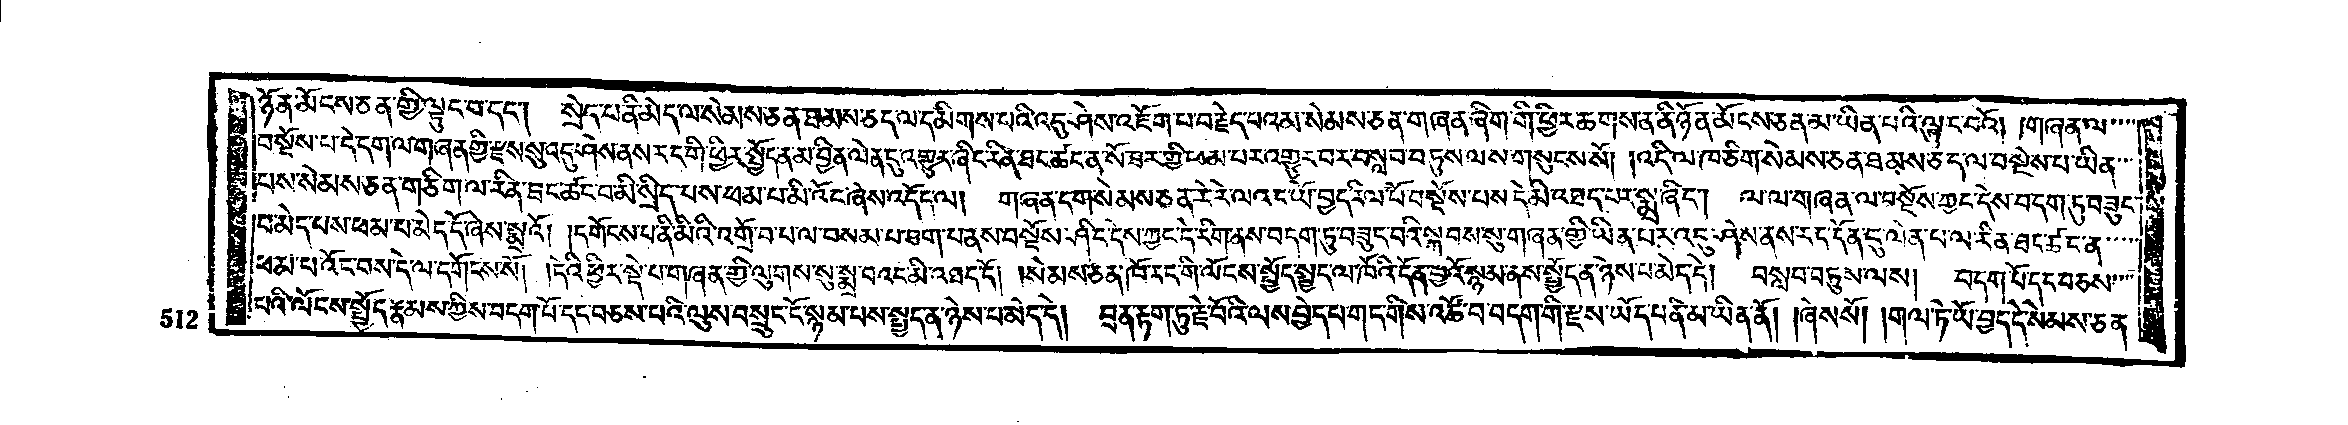ཉོན་མོངས་ཅན་གྱི་ལྟུང་བ་དང་། སྲེད་པ་ནི་མེད་ལ་སེམས་ཅན་ཐམས་ཅད་ལ་དམིགས་པའི་འདུ་ཤེས་འཇོག་པ་བརྗེད་པའམ་སེམས་ཅན་གཞན་ཞིག་གི་ཕྱིར་ཆགས་ན་ནི་ཉོན་མོངས་ཅན་མ་ཡིན་པའི་ལྟུང་བའོ། །གཞན་ལ་
བསྔོས་པ་དེ་དག་ལ་གཞན་གྱི་རྫས་སུ་འདུ་ཤེས་ནས་རང་གི་ཕྱིར་སྤྱོད་ན་མ་བྱིན་ལེན་དུ་འགྱུར་ཞིང་རིན་ཐང་ཚང་ན་སོ་ཐར་གྱི་ཕམ་པར་འགྱུར་བར་བསླབ་བཏུས་ལས་གསུངས་སོ། །འདི་ལ་ཁ་ཅིག་སེམས་ཅན་ཐམས་ཅན་ལ་བསྔོས་པ་ཡིན་
པས་སེམས་ཅན་གཅིག་ལ་རིན་ཐང་ཚང་བ་མི་སྲིད་པས་ཕམ་པ་མི་འོང་ཞེས་འདོད་ལ། གཞན་དག་སེམས་ཅན་རེ་རེ་ལའང་ཡོ་བྱད་རིལ་པོ་བསྔོས་པས་དེ་མི་འཐད་པར་སྨྲ་ཞིང་། ལ་ལ་གཞན་ལ་བསྔོས་ཀྱང་དེས་བདག་ཏུ་བཟུང་
བ་མེད་པས་ཕམ་པ་མེད་དོ་ཞེས་སྨྲའོ། །དགོངས་པ་ནི་མིའི་འགྲོ་བ་པ་ལ་བསམ་པ་ཐག་པ་ནས་བསྔོས་ཤིང་དེས་ཀྱང་དེ་རིག་ནས་བདག་ཏུ་བཟུང་བའི་སྐབས་སུ་གཞན་གྱི་ཡིན་པར་འདུ་ཤེས་ནས་རང་དོན་དུ་ལེན་པ་ལ་རིན་ཐང་ཚང་ན་
ཕམ་པ་འོང་བས་དེ་ལ་དགོངས་སོ། །དེའི་ཕྱིར་སྡེ་པ་གཞན་གྱི་ལུགས་སུ་སྨྲ་བའང་མི་འཐད་དོ། །སེམས་ཅན་ཁོ་རང་གི་ལོངས་སྤྱོད་སྤྱད་ལ་ཁོའི་དོན་བྱའོ་སྙམ་ནས་སྤྱོད་ན་ཉེས་པ་མེད་དེ། བསླབ་བཏུས་ལས། བདག་པོ་དང་བཅས་
པའི་ལོངས་སྤྱོད་རྣམས་ཀྱིས་བདག་པོ་དང་བཅས་པའི་ལུས་བསྲུང་ངོ་སྙམ་པས་སྤྱད་ན་ཉེས་པ་མེད་དེ། བྲན་རྟག་ཏུ་རྗེ་བོའི་ལས་བྱེད་པ་གང་གིས་འཚོ་བ་བདག་གི་རྫས་ཡོད་པ་ནི་མ་ཡིན་ནོ། །ཞེས་སོ། །གལ་ཏེ་ཡོ་བྱད་དེ་སེམས་ཅན་